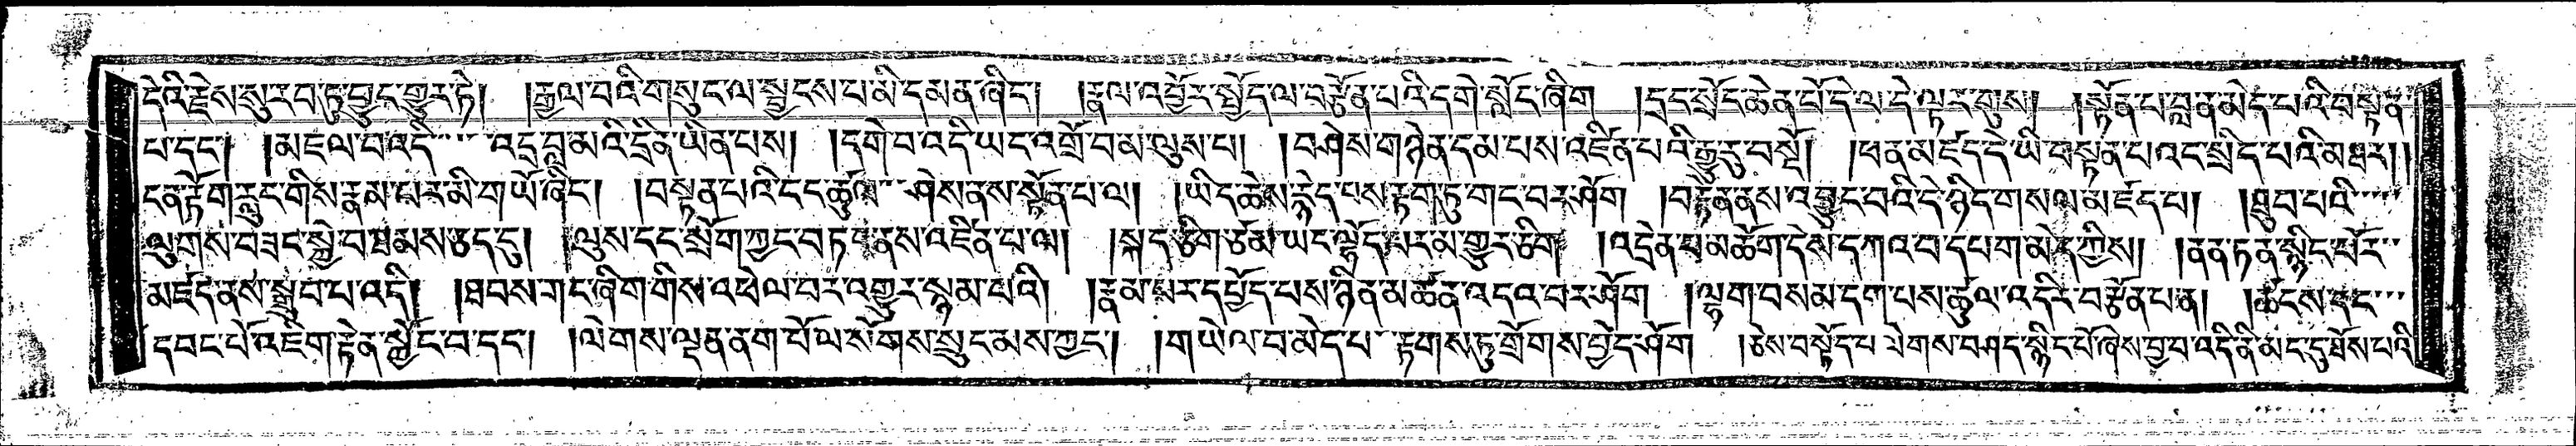དེའི་རྗེས་སུ་རབ་ཏུ་བྱུང་གྱུར་ཏེ། །རྒྱལ་བའི་གསུང་ལ་སྦྱངས་པ་མི་དམན་ཞིང་། །རྣལ་འབྱོར་སྤྱོད་ལ་བརྩོན་པའི་དགེ་སློང་ཞིག །དྲང་སྲོང་ཆེན་པོ་དེ་ལ་དེ་ལྟར་གུས། །སྟོན་པ་བླ་ན་མེད་པའི་བསྟན་
པ་དང་། །མཇལ་བ་འདི་འདྲ་བླ་མའི་དྲིན་ཡིན་པས། །དགེ་བ་འདི་ཡང་འགྲོ་བ་མ་ལུས་པ། །བཤེས་གཉེན་དམ་པས་འཛིན་པའི་རྒྱུ་རུ་བསྔོ། །ཕན་མཛད་དེ་ཡི་བསྟན་པའང་སྲིད་པའི་མཐར། །
ངན་རྟོག་རླུང་གིས་རྣམ་པར་མི་གཡོ་ཞིང་། །བསྟན་པའི་ངང་ཚུལ་ཤེས་ནས་སྟོན་པ་ལ། །ཡིད་ཆེས་རྙེད་པས་རྟག་ཏུ་གང་བར་ཤོག །བརྟེན་ནས་འབྱུང་བའི་དེ་ཉིད་གསལ་མཛད་པ། །ཐུབ་པའི་
ལུགས་བཟང་སྐྱེ་བ་ཐམས་ཅད་དུ། །ལུས་དང་སྲོག་ཀྱང་བཏང་ནས་འཛིན་པ་ལ། །སྐད་ཅིག་ཙམ་ཡང་ལྷོད་པར་མ་གྱུར་ཅིག །འདྲེན་པ་མཆོག་དེས་དཀའ་བ་དཔག་མེད་ཀྱིས། །ནན་ཏན་སྙིང་པོར་
མཛད་ནས་སྒྲུབ་པ་འདི། །ཐབས་གང་ཞིག་གིས་འཕེལ་བར་འགྱུར་སྙམ་པའི། །རྣམ་པར་དཔྱོད་པས་ཉིན་མཚན་འདའ་བར་ཤོག །ལྷག་བསམ་དག་པས་ཚུལ་འདིར་བརྩོན་པ་ན། །ཚངས་དང་
དབང་པོ་འཇིག་རྟེན་སྐྱོང་བ་དང་། །ལེགས་ལྡན་ནག་པོ་ལ་སོགས་སྲུང་མས་ཀྱང་། །གཡེལ་བ་མེད་པ་རྟགས་ཏུ་གྲོགས་བྱེད་ཤོག །ཅེས་བསྟོད་པ་ལེགས་བཤད་སྙིང་པོ་ཞེས་བྱ་བ་འདི་ནི་མང་དུ་ཐོས་པའི་